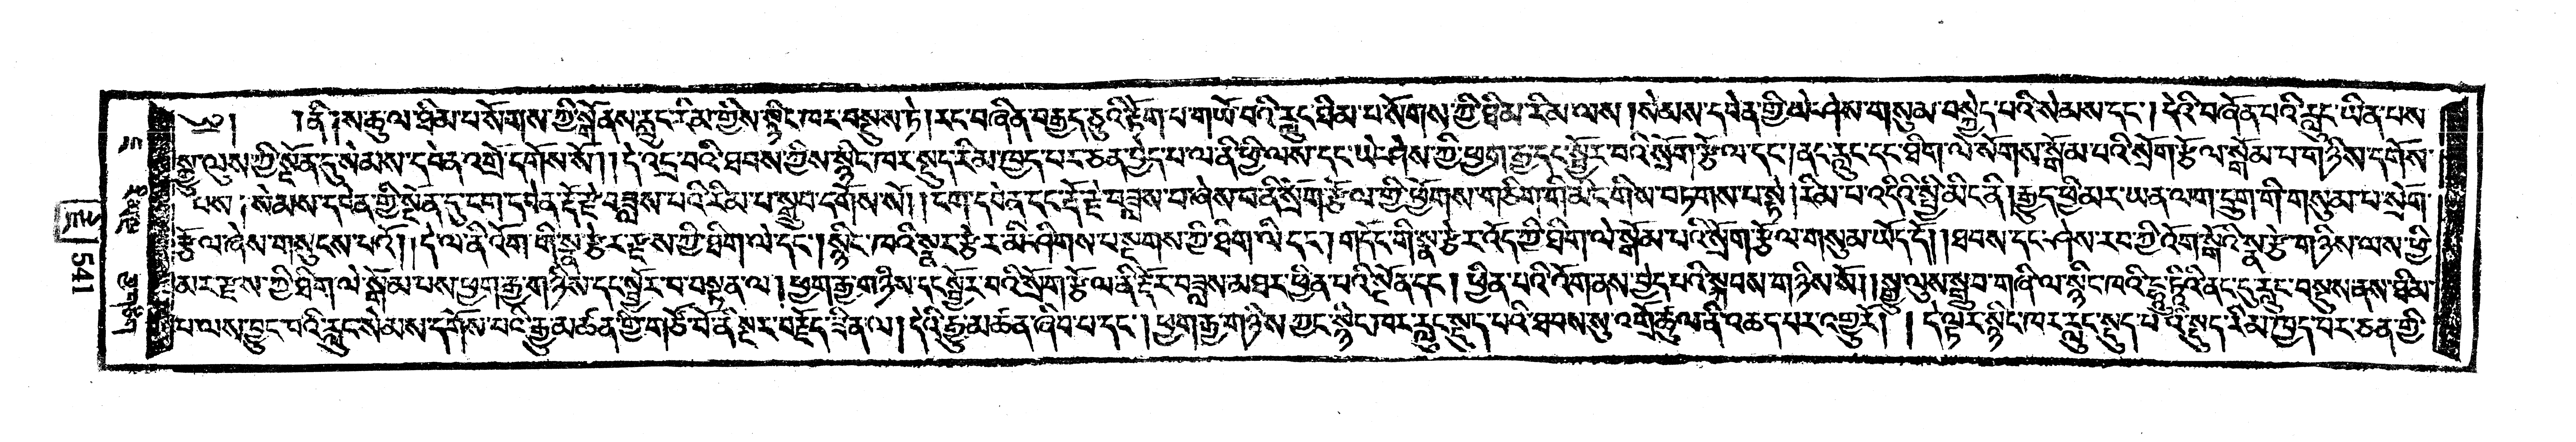༄༅། །ནི༑ ས་ཆུ་ལ་ཐིམ་པ་སོགས་ཀྱི་སྒོ་ནས་རླུང་རིམ་གྱིས་སྙིང་ཁར་བསྡུས་ཏེ། རང་བཞིན་བརྒྱད་ཅུའི་རྟོག་པ་གཡོ་བའི་རླུང་ཐིམ་པ་སོགས་ཀྱི་ཐིམ་རིམ་ལས། སེམས་དབེན་གྱི་ཡེ་ཤེས་གསུམ་བསྐྱེད་པའི་སེམས་དང་། དེའི་བཞོན་པའི་རླུང་ཡིན་པས་
སྒྱུ་ལུས་ཀྱི་སྔོན་དུ་སེམས་དབེན་འགྲ?་དོགས་སོ། །དེ་འདྲ་བའི་ཐབས་ཀྱིས་སྙིང་ཁར་སྡུད་རིམ་ཁྱད་པར་ཅན་བྱེད་པ་ལ་ནི་ཕྱི་ལས་དང་ཡེ་ཤེས་ཀྱི་ཕྱག་རྒྱ་དང་སྦྱོར་བའི་སྲོག་རྩོལ་དང་། ནང་རླུང་དང་ཐིག་ལེ་སོགས་སྒོམ་པའི་སྲོག་རྩོལ་སྒོམ་པ་གཉིས་དགོས་
པས་།སེམས་དབེན་གྱི་སྔོན་དུ་ངག་དབེན་རྡོ་རྗེ་བཟླས་པའི་རིམ་པ་སྒྲུབ་དགོས་སོ། །ངག་དབེན་དང་རྡོ་རྗེ་བཟླས་པ་ཞེས་པ་ནི་སྲོག་རྩོལ་གྱི་ཕྱོགས་གཅིག་གི་མིང་གིས་བཏགས་པ་སྟེ། རིམ་པ་འདིའི་སྤྱི་མིང་ནི། རྒྱུད་ཕྱི་མར་ཡན་ལག་དྲུག་གི་གསུམ་པ་སྲོག་
རྩོལ་ཞེས་གསུངས་པའོ། །དེ་ལ་ནི་འོག་གི་སྣ་རྩེར་རྫས་ཀྱི་ཐིག་ལེ་དང་།སྙིང་ཁའི་སྣར་རྩེར་མི་ཤིགས་པ་སྔགས་ཀྱི་ཐིག་ལེ་དང་། གདོང་གི་སྣ་རྩེར་འོད་ཀྱི་ཐིག་ལེ་སྒོམ་པའི་སྲོག་རྩོལ་གསུམ་ཡོད་དོ། །ཐབས་དང་ཤེས་རབ་ཀྱི་འོག་སྒོའི་སྣ་རྩེ་གཉིས་ལས་ཕྱི་
མར་རྫས་ཀྱི་ཐིག་ལེ་སྒོམ་པས་ཕྱག་རྒྱ་གཉིས་དང་སྦྱོར་བ་བསྟན་ལ། ཕྱག་རྒྱ་གཉིས་དང་སྦྱོར་བའི་སྲོག་རྩོལ་ནི་རྡོར་བཟླས་མཐར་ཕྱིན་པའི་སྔོན་དང་། ཕྱིན་པའི་འོག་ནས་བྱེད་པའི་སྐབས་གཉིས་སོ། །སྒྱུ་ལུས་སྒྲུབ་གཞི་ལ་སྙིང་ཁའི་དྷཱུ་ཏཱིའི་ནང་དུ་རླུང་བསྡུས་ནས་ཐིམ་
པ་ལས་བྱུང་བའི་རླུང་སེམས་དགོས་པའི་རྒྱུ་མཚན་གྱི་གཙོ་བོ་ནི་སྔར་བརྗོད་ཟིན་ལ། དེའི་རྒྱུ་མཚན་ཞིབ་པ་དང་། ཕྱག་རྒྱ་གཉིས་ཀྱང་སྙིང་ཁར་རླུང་སྡུད་པའི་ཐབས་སུ་འགྲོ་ཚུལ་ནི་འཆད་པར་འགྱུར་རོ། །དེ་ལྟར་སྙིང་ཁར་རླུང་སྡུད་པའི་སྡུད་རིམ་ཁྱད་པར་ཅན་གྱི་